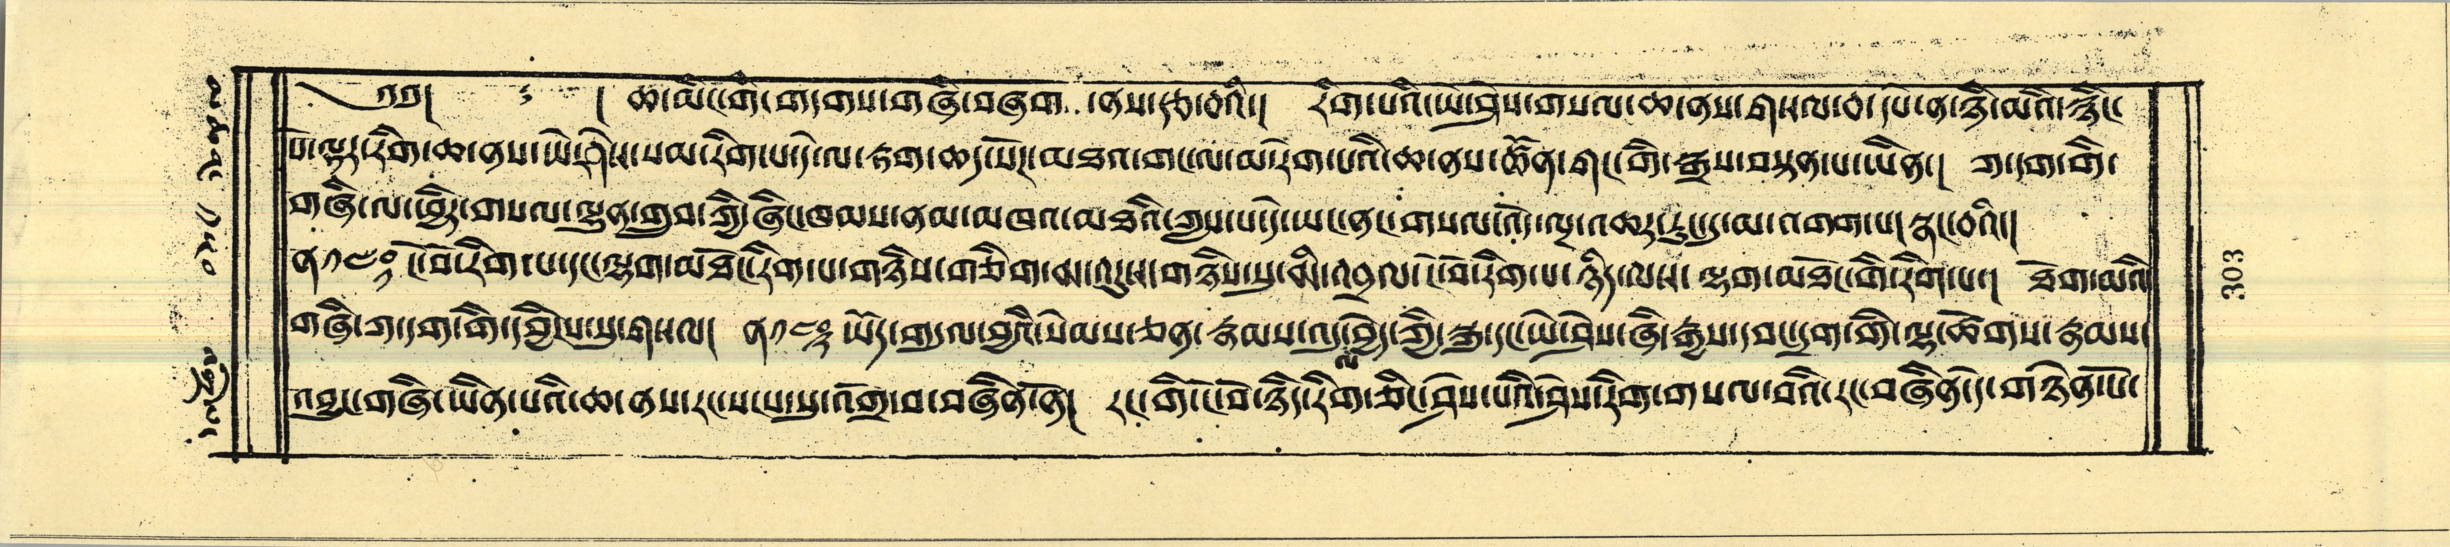ཆ་མིང་གི་གདགས་གཞི་བཞག་ནས་ རྩ་བའི། རིག་པའི་ཡེ་ཤེས་གསལ་ཆ་ནས་གསལ་བ་དཔེ་ན་ཉི་མའི་སྙིང་
པོ་ལྟར་རིག་ཆ་ནས་ཡེ་ཤེས་སམ་རིག་པ་དེ་ལ་རྟག་ཆད་སོགས་མཐའ་གང་ལ་མ་རེག་པའི་ཆ་ནས་ཚོན་གང་གི་སྒྲས་བསྟན་པ་ཡིན། ཀ་དག་གི་
གཞི་ལ་ཕྱིར་གསལ་ལྷུན་གྲུབ་ཀྱི་ཞིང་ཁམས་ནམ་མཁའ་མཐའི་ཀླས་པ་དེ་ཡང་ནང་གསལ་འོད་ལྔ་འཆར་རུང་དུ་མ་འགག་པ་སྣང་བའི་
ན༡༤༠།༡ ངོ་བོ་རིག་པ་དང་ལྷག་མཐོང་རིག་པ་གཉིས་གཅིག་མ་འདུས་གཉིས་སུ་མི་འབྲལ་ངོ་བོ་རིག་པ་ཉིད་ལས་ལྷག་མཐོང་གི་རིག་པ། ཐོག་མའི་
གཞིོ་ཀ་དག་གི་དབྱིངས་སུ་གསལ་ ན༡༤༠།༢ ཡོད་གདུལ་བྱའི་སེམས་ཅན་རྣམས་འདུ་མ་བྱེད་ཀྱི་སྐུ་དང་ཡེ་ཤེས་ཞི་རྒྱས་དབང་དྲག་གི་ལྷ་ཚོགས་རྣམས་
འབྱུང་གཞི་ཡིན་པའི་ཆ་ནས་རང་སངས་སུ་འགྲོ་བ་བཞིན་ནོ། རང་གི་ངོ་བོ་ཉིད་རིག་ཅིང་ཤེས་པའི་ཤེས་རིག་གསལ་བའི་རང་བཞིན་དེ་གཉེན་པོ་